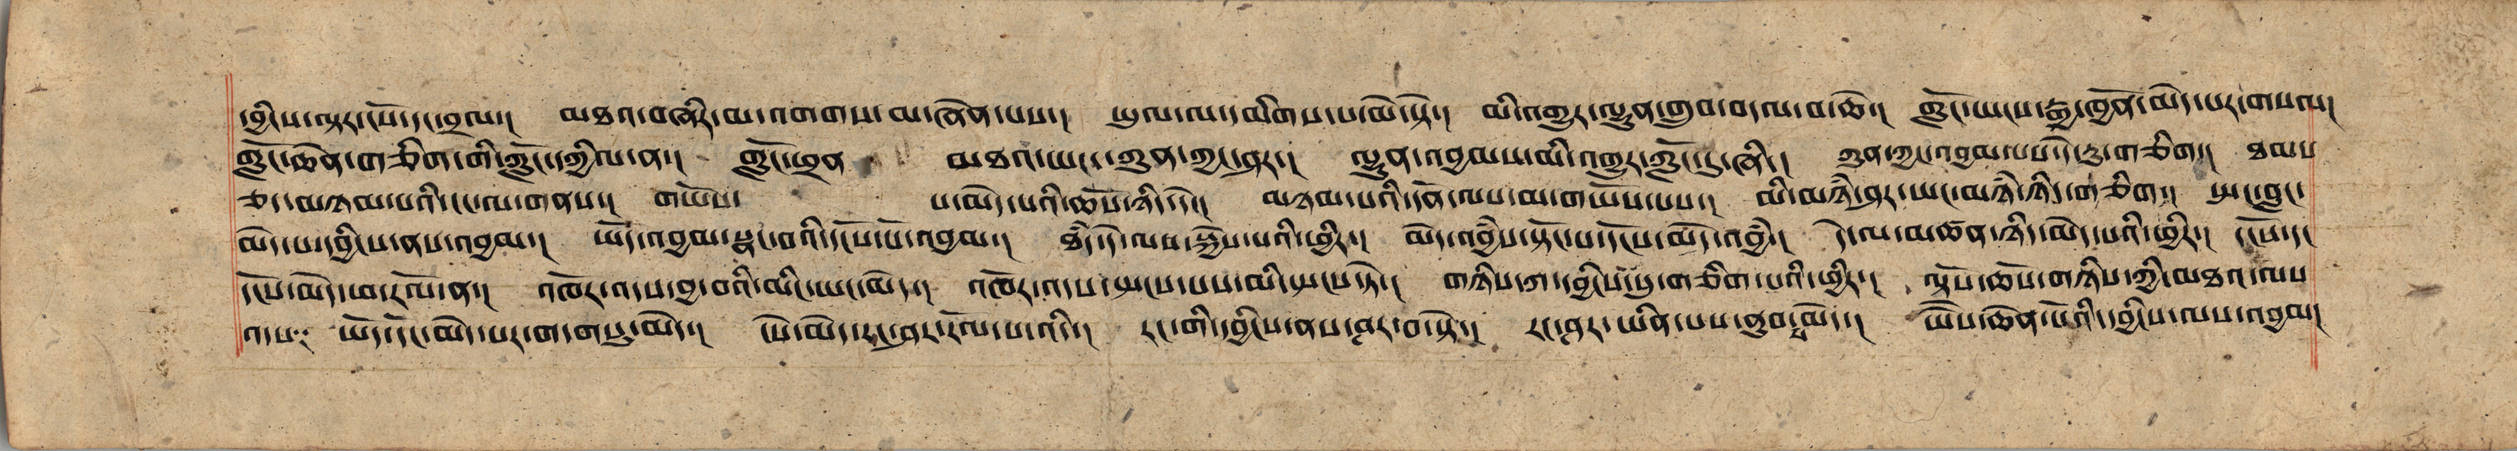དབྱིངས་ལྟར་ངོས་དང་བྲལ་། མཐའ་བཞིར་མ་འགགས་མ་ཞེན་པས་། ཡུལ་ལ་དམིགས་པ་མེ་སྟེ་། མི་འགྱུར་ལྷུན་གྲུབ་བདལ་བ་ཆེ་། ཀློང་ཡངས་རྒྱ་ཁྱོན་མེད་པར་གསལ།
ཀློང་ཆེན་གཅིག་གི་ཀློང་དཀྱིལ་ན་། གློང་ཕྲན་ མཐའ་ཡང་ཀུན་ཀྱང་ཤར་། ལྷུན་འབྱམས་མི་འགྱུར་ཀློང་དུ་ཞི་། ཀུན་ཀྱང་འབྱམ་པས་དེ་རུ་གཅིག་། ཐམས
ཅད་མཉམ་པའི་ངང་ལ་གནས་། གཡོས་ པ་མེད་པའི་ཆོས་ཉིད་དེ་། མཉམ་པའི་དོན་ལས་མ་གཡོས་པས་། མི་མཉཾ་ཤར་ཡང་མཉཾ་ཉིད་གཅིག་། སྤང་བླང་
མེད་པ་དབྱིངས་ནས་འབྱམ་། ཡོད་འབྱམ་སྣང་བའི་དངོས་པོ་འབྱམ་། ཐཾད་དེ་ལས་སྐྱེས་པའི་ཕྱིར་། མེད་འབྱཾས་སྟོང་པ་དངོས་མེད་འབྱཾ་། དེ་ལ་མཚན་ཉིད་མེད་པའི་ཕྱིར་། དངོས་དང
དངོས་མེད་ཕ་རོལ་ན་། འཁོར་འདས་བྱ་བའི་མིང་ཡང་མེད་། འཁོར་འདས་སྤངས་པས་མི་སྤངས་ཏེ་། གཉིས་ཀ་དབྱིངས་སུ་གཅིག་པའི་ཕྱིར་། ལྟོས་ཆོས་གཉིས་ཀྱི་མཐའ་ལས་
འདས༑ ཡོད་དང་མེད་པར་གདགསུ་མེད་། ཡེ་མེད་རང་ཤར་རོལ་པ་འདི་། རང་གི་དབྱིངས་ནས་ཤར་བ་སྟེ་། རང་ཤར་ཡིན་པས་ནུབ་པ་མེད་། ཡཻས་ཆེན་པོའི་དབྱིངས་ལས་འབྱམ།